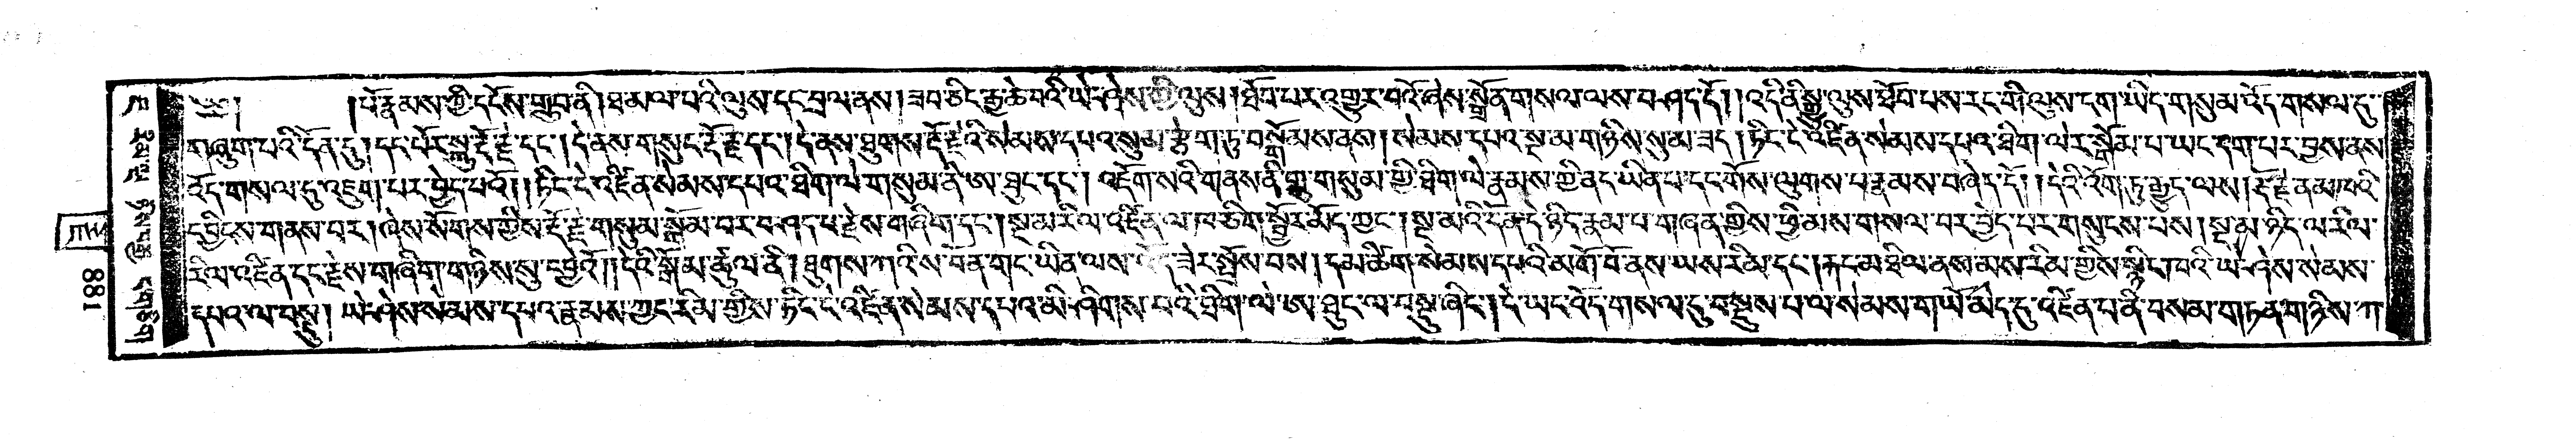༄༅། །པོ་རྣམས་ཀྱི་དངོས་གྲུབ་ནི། ཐ་མལ་བའི་ལུས་དང་བྲལ་ནས། ཟབ་ཅིང་རྒྱ་ཆེ་བའི་ཡེ་ཤེས་ཀྱི་ལུས། ཐོབ་པར་འགྱུར་བའོ་ཞེས་སྒྲོན་གསལ་ལས་བཤད་དོ། །འདི་ནི་སྒྱུ་ལུས་ཐོབ་པས་རང་གི་ལུས་ངག་ཡིད་གསུམ་འོད་གསལ་དུ་
གཞུག་པའི་དོན་དུ། དང་པོར་སྐུ་རྡོ་རྗེ་དང་། དེ་ནས་གསུང་རྡོ་རྗེ་དང་། དེ་ནས་ཐུགས་རྡོ་རྗེའི་སེམས་དཔའ་སུམ་རྩེག་ཏུ་བསྒོམས་ནས། སེམས་དཔའ་སྔ་མ་གཉིས་སུ་མ་ཟད། ཏིང་ངེ་འཛིན་སེམས་དཔའ་ཐིག་ལར་སྒོམ་པ་ཡང་དག་པར་བྱས་ནས་
འོད་གསལ་དུ་འཇུག་པར་བྱེད་པའོ། །ཏིང་ངེ་འཛིན་སེམས་དཔའ་ཐིག་ལེ་གསུམ་ནི་ཨ་ཐུང་དང་། འཇོག་སའི་གནས་ནི་གྲུ་གསུམ་གྱི་ཐིག་ལེ་རྣམས་ཀྱི་ནང་ཡིན་པ་དང་གོས་ལུགས་པ་རྣམས་བཞེད་དོ། །དེའི་འོག་ཏུ་རྒྱུད་ལས། རྡོ་རྗེ་ནམ་མཁའི་
དབྱིངས་གནས་པར། ཞེས་སོགས་ཀྱིས་རྡོ་རྗེ་གསུམ་སྒོམ་པར་བཤད་པ་རྗེས་གཞིག་དང་། སྔ་མ་རིལ་འཛིན་ལ་ཁ་ཅིག་སྦྱོར་མོད་ཀྱང་། སྔ་མའི་དོན་དེ་ཉིད་རྣམ་པ་གཞན་གྱིས་ཕྱི་མས་གསལ་བར་བྱེད་པར་གསུངས་པས། སྔ་མ་ཉིད་ལ་རིལ་
རིལ་འཛིན་དང་རྗེས་གཞིག་གཉིས་སུ་དབྱེའོ། །དེའི་སྒོམ་ཚུལ་ནི། ཐུགས་ཀའི་ས་བོན་གང་ཡིན་ལས་འོད་ཟེར་སྤྲོས་པས། དམ་ཚིག་སེམས་དཔའི་མགོ་བོ་ནས་ཡས་རིམ་དང་། རྐང་མཐིལ་ནས་མས་རིམ་གྱིས་སྙིང་ཁའི་ཡེ་ཤེས་སེམས་
དཔའ་ལ་བསྡུ། ཡེ་ཤེས་སེམས་དཔའ་རྣམས་ཀྱང་རིམ་གྱིས་ཏིང་ངེ་འཛིན་སེམས་དཔའ་མི་ཤིགས་པའི་ཐིག་ལེ་ཨ་ཐུང་ལ་བསྡུ་ཞིང་། དེ་ཡང་འོད་གསལ་དུ་བསྡུས་པ་ལ་སེམས་གཡོ་མེད་དུ་འཛིན་པ་ནི་བསམ་གཏན་གཉིས་ཀ་